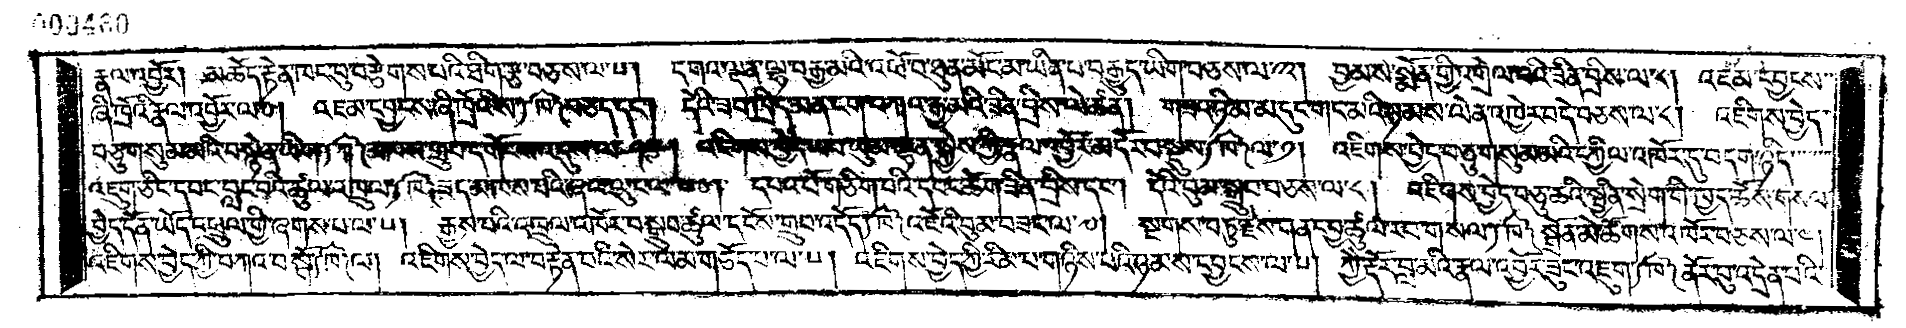རྣལ་འབྱོར། མཆོད་རྟེན་ཁང་བུ་བརྩེགས་པའི་ཐིག་རྩ་བཅས་ལ ༥། དགའ་ལྡན་ལྷ་བརྒྱ་མའི་འཕོ་བ་ཐུན་མོང་མ་ཡིན་པ་བརྒྱུད་ཡིག་བཅས་ལ ༣། བྱམས་སྨོན་གྱི་འགྲེལ་བའི་ཟིན་བྲིས་ལ ༨། འཇམ་དབྱངས་
ཞི་ཁྲོའི་རྣལ་འབྱོར་ལ ༦། འཇམ་དབྱངས་ཞི་ཁྲོའི་ས ༼ཁ༽ བཅད་དང་། དེའི་ཟབ་ཁྲིད་མན་ངག་བཀའ་རྒྱ་མའི་ཟིན་བྲིས་ལེ་ཚན། གཟའ་ཉི་མ་མདུང་གང་མའི་ཉམས་ལེན་འཁྱེར་བདེ་བཅས་ལ ༨། འཇིགས་བྱེད་
བཅུ་གསུམ་མའི་བསྙེན་ཡིག ༼ཀ༽ མཁས་གྲུབ་དགོངས་འདུས་ལ ༡༤༩། འཇིགས་བྱེད་ཡབ་ཡུམ་ལྷན་སྐྱེས་ཀྱི་རྣལ་འབྱོར་མདོར་བསྡུས ༼ཁ༽ ལ ༡། འཇིགས་བྱེད་བཅུ་གསུམ་མའི་དཀྱིལ་འཁོར་དུ་བདག་ཉིད་
འཇུག་ཅིང་དབང་བླང་བའི་ཚུལ་འཁྲུལ ༼ཁ༽ ཟད་མཁས་པའི་ཞལ་ལུང་ལ ༥༦། དཔའ་པོ་གཅིག་པའི་དབང་ཚིག་ཟིན་བྲིས་དང་། དེའི་བུམ་སྒྲུབ་བཅས་ལ ༨། འཇིགས་བྱེད་བཅུ་ཆའི་སྦྱིན་སྲེག་གི་ཁྱད་ཆོས་གསལ་
བྱེད་དོན་ཡོད་འཕྲུལ་གྱི་ཞགས་པ་ལ ༥། རྒྱས་པའི་འཁྲུལ་འཁོར་བསྒྲུབ་ཚུལ་དངོས་གྲུབ་འདོད ༼ཁ༽ འཇོའི་བུམ་བཟང་ལ ༧། སྔགས་བཏུ་རྗེས་གནང་བྱ་ཚུལ་རབ་གསལ ༼ཁ༽ སྒྲོན་མེ་ཚོགས་འཁོར་བཅས་ལ ༤།
འཇིགས་བྱེད་ཀྱི་བཀའ་བསྒོ ༼ཁ༽ ལ། འཇིགས་བྱེད་ལ་བརྟེན་པའི་སེར་ལམ་གཅོད་པ་ལ ༥། འཇིགས་བྱེད་ཀྱི་རིམ་པ་གཉིས་པའི་ཉམས་དབྱངས་ལ ༥། ཀྱཻ་རྡོར་བླ་མའི་རྣལ་འབྱོར་ཟུང་འཇུག ༼ཁ༽ ནོར་བུ་འདྲེན་པའི་